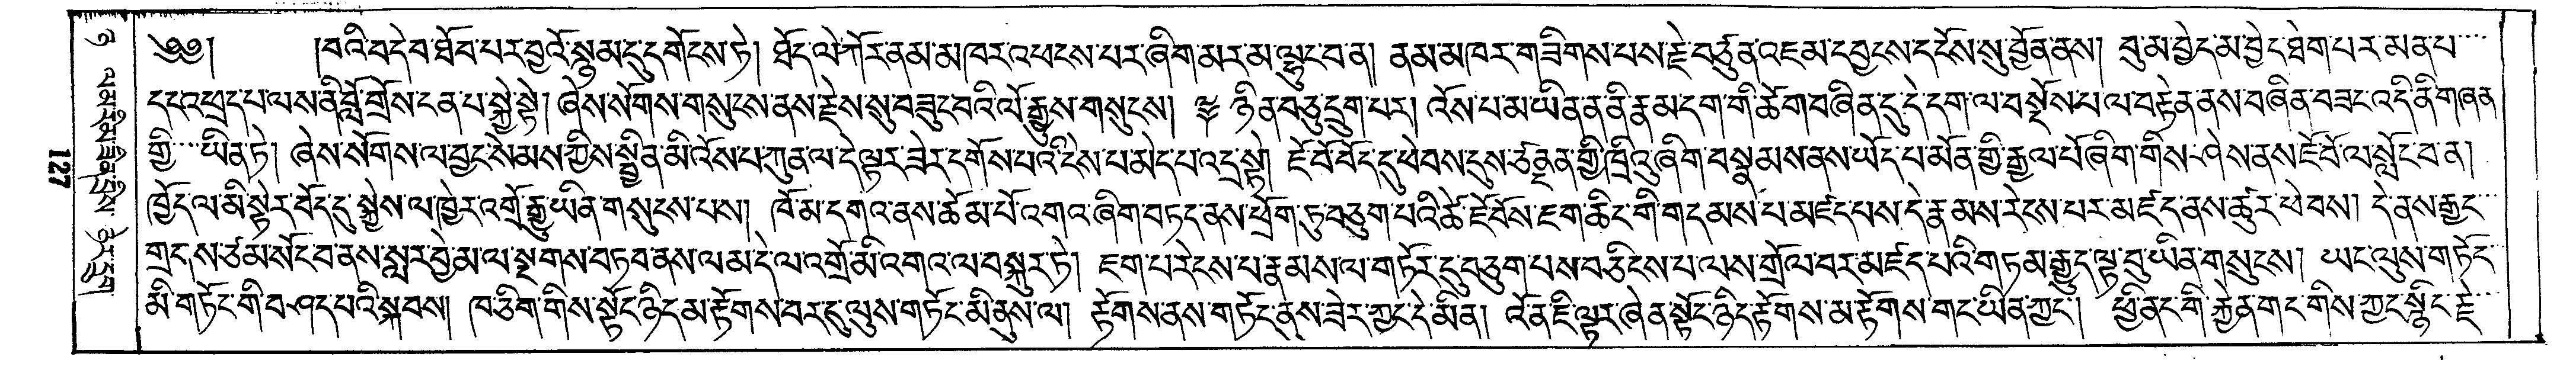༄༅། །བའི་བདེ་བ་ཐོབ་པར་བྱའོ་སྙམ་དུ་དགོངས་ཏེ། ཐོད་ལེ་ཀོར་ནམ་མཁར་འཕངས་པ་རེ་ཞིག་མར་མ་ལྷུང་བ་ན། ནམ་མཁར་གཟིགས་པས་རྗེ་བཙུན་འཇམ་དབྱངས་དངོས་སུ་བྱོན་ནས། བུ་མ་བྱེད་མ་བྱེད་ཐེག་པ་དམན་པ་
དང་འཕྲད་བ་ལས་ནི་བློ་གྲོས་ངན་པ་སྐྱེ་སྟེ། ཞེས་སོགས་གསུངས་ནས་རྗེས་སུ་བཟུང་བའི་ལོ་རྒྱུས་གསུངས། ༈ ཉིན་བཅུ་དྲུག་བར། འོས་པ་མ་ཡིན་ན་ནི་རྣམ་དག་གི་ཆོ་ག་བཞིན་དུ་དེ་དག་ལ་བསྔོས་པ་ལ་བརྟེན་ནས་བཞིན་བཟང་འདི་ནི་གཞན་
གྱི་ཡིན་ཏེ། ཞེས་སོགས་ལ་བྱང་སེམས་ཀྱིས་སྦྱིན་མི་འོས་བ་ཀུན་ལ་དེ་ལྟར་ཟེར་དགོས་པའི་ངེས་པ་མེད་པ་འདྲ་སྟེ། ཇོ་བོ་བོད་དུ་ཕེབས་དུས་ཙནྡན་གྱི་ཁྲིའུ་ཞིག་བསྣམས་ནས་ཡོད་པ་མོན་གྱི་རྒྱལ་པོ་ཞིག་གིས་ཤེས་ནས་ཇོ་བོ་ལ་སློང་བ་ན།
ཁྱོད་ལ་མི་སྟེར་བོད་དུ་སྐྱེས་ལ་ཁྱེར་འགྲོ་རྒྱུ་ཡིན་གསུངས་པས། ཁོ་མ་དགའ་ནས་ཆོམ་པོ་འགའ་ཞིག་བཏང་ནས་ཕྲོག་ཏུ་བཅུག་པའི་ཚེ་ཇོ་བོས་ཇེག་ཆིང་གི་གདམས་པ་མཛད་པས་དེ་རྣམས་རེངས་པར་མཛད་ནས་ཚུར་ཕེབས། དེ་ནས་རྒྱང་
གྲགས་ཙམ་སོང་བ་ནས་སླར་བྱེ་མ་ལ་སྔགས་བཏབ་ནས་ལམ་དེ་ལ་འགྲོ་མི་འགའ་ལ་བསྐུར་ཏེ། ཇག་བ་རེངས་པ་རྣམས་ལ་གཏོར་དུ་བཅུག་པས་བཅིངས་བ་ལས་གྲོལ་བར་མཛད་པའི་གཏམ་རྒྱུད་ལྟ་བུ་ཡིན་གསུངས། ཡང་ལུས་གཏོང་
མི་གཏོང་གི་བཤད་པའི་སྐབས། ཁ་ཅིག་གིས་སྟོང་ཉིད་མ་རྟོགས་པར་དུ་ལུས་གཏོང་མི་ནུས་ལ། རྟོགས་ནས་གཏོང་ནུས་ཟེར་ཀྱང་དེ་མིན། འོ་ན་ཇི་ལྟར་ཞེ་ན་སྟོང་ཉིད་རྟོགས་མ་རྟོགས་གང་ཡིན་ཀྱང་། ཕྱི་ནང་གི་རྐྱེན་གང་གིས་ཀྱང་སྙིང་རྗེ་